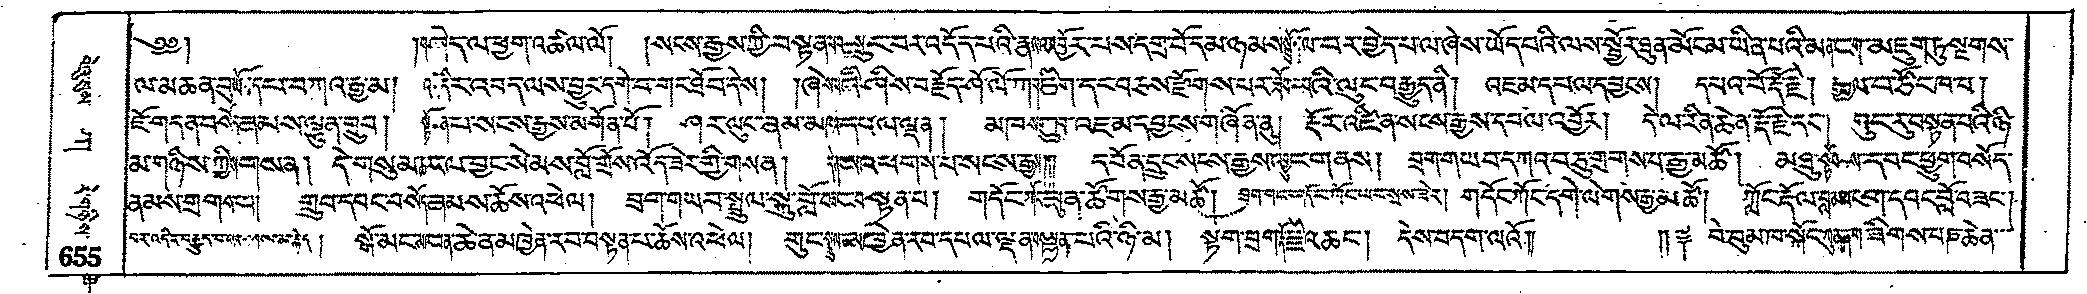༄༅། །གཤེད་ལ་ཕྱག་འཚལ་ལོ། །སངས་རྒྱས་ཀྱི་བསྟན་པ་བསྲུང་བར་འདོད་པའི་རྣལ་འབྱོར་པས་དགྲ་བོ་དམ་ཉམས་སྒྲོལ་བར་བྱེད་པ་ལ་ཞེས་ཡོད་པའི་ལས་སྦྱོར་ཐུན་མོང་མ་ཡིན་པའི་མན་ངག་མཇུག་ཏུ་སྔགས་
ལ་མཆན་བུ་ཡོད་པ་བཀའ་རྒྱ་མ། འདིར་འབད་ལས་བྱུང་དགེ་བ་གང་ཐོབ་དེས། །ཞེས་པའི་ཤིས་བརྗོད་ཤོ་ལོ་ཀ་གཅིག་དང་བཅས་རྫོགས་པར་ཐོབ་པའི་ལུང་བརྒྱུད་ནི། འཇམ་དཔལ་དབྱངས། དཔའ་བོ་རྡོ་རྗེ། རྒྱལ་བ་ཙོང་ཁ་པ།
ཇོ་གདན་བསོད་ནམས་ལྷུན་གྲུབ། སྟོན་པ་སངས་རྒྱས་མགོན་པོ། ཤར་ལུང་ནམ་མཁའ་དཔལ་ལྡན། མཁས་གྲུབ་འཇམ་དབྱངས་གཞོན་ནུ། རྡོར་འཛིན་སངས་རྒྱས་དཔལ་འབྱོར། དེ་ལ་རིན་ཆེན་རྡོ་རྗེ་དང་། གུང་རུ་བསྟན་པའི་ཉི་
མ་གཉིས་ཀྱིས་གསན། དེ་གསུམ་ཆར་ལ་བྱང་སེམས་བློ་གྲོས་འོད་ཟེར་གྱི་གསན། དེ་ནས་འཕགས་པ་སངས་རྒྱས། དབོན་དྲུང་སངས་རྒྱས་འབྱུང་གནས། བྲག་གཡབ་དཀའ་བཅུ་གྲགས་པ་རྒྱ་མཚོ། མཐུ་སྟོབས་དབང་ཕྱུག་བསོད་
ནམས་གྲགས་པ། གྲུབ་དབང་བསོད་ནམས་ཆོས་འཕེལ། བྲག་གཡབ་སྤྲུལ་སྐུ་བློ་བཟང་བསྟན་པ། གདོང་ཀོང་ཕུན་ཚོགས་རྒྱ་མཚོ་བྲག་གཡབ་གདོང་ཀོང་ཡབ་སྲས་ཟེར།  གདོང་ཀོང་དགེ་ལེགས་རྒྱ་མཚོ། ཀློང་རྡོ་ལ་བླ་མ་ངག་དབང་བློ་བཟང་།
བར་འདིར་བརྒྱུད་པ་འགའ་ཤས་མ་རྙེད།  སྒོ་མང་མཁན་ཆེན་མཁྱེན་རབ་བསྟན་པ་ཆོས་འཕེལ། གུང་སྤྲུལ་མཁྱེན་རབ་དཔལ་ལྡན་བསྟན་པའི་ཉི་མ། སྟག་བྲག་རྡོ་རྗེ་འཆང་། དེས་བདག་ལའོ།། །།འ་བེ་བུམ་ཁ་སྐོང་ཀུན་གཟིགས་པཎ་ཆེན་